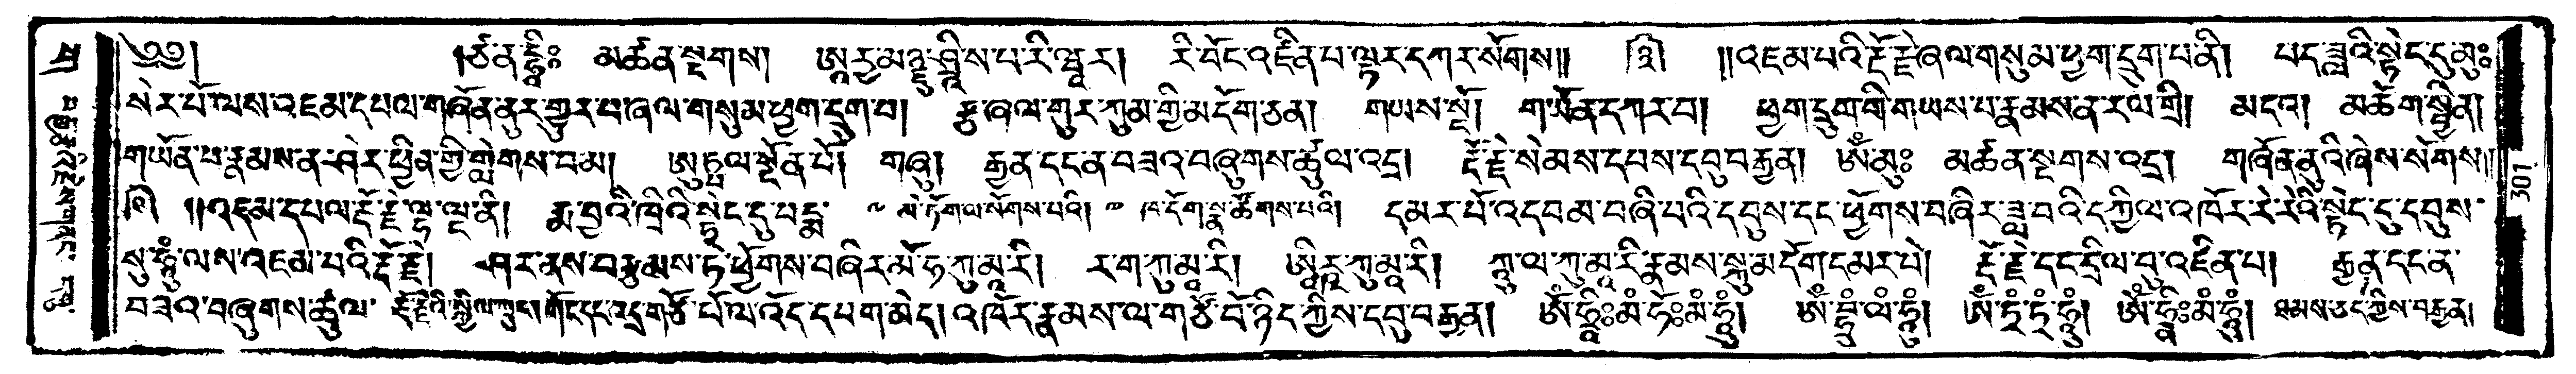༄༅། །ཙ་ན་དྷཱིཿ མཚན་སྔགས། ཨཱརྱ་མཉྫུ་ཤྲཱི་ས་པ་རི་ཝཱ་ར། རི་བོང་འཛིན་པ་ལྟར་དཀར་སོགས།། ༣?་།།འཇམ་པའི་རྡོ་རྗེ་ཞལ་གསུམ་ཕྱག་དྲུག་པ་ནི། པད་ཟླའི་སྟེང་དུ་མུཿ
སེར་པོ་ལས་འཇམ་དཔལ་གཞོན་ནུར་གྱུར་བ་ཞལ་གསུམ་ཕྱག་དྲུག་པ། རྩ་ཞལ་གུར་ཀུམ་གྱི་མདོག་ཅན། གཡས་སྔོ། གཡོན་དཀར་བ། ཕྱག་དྲུག་གི་གཡས་པ་རྣམས་ན་རལ་གྲི། མདའ། མཆོག་སྦྱིན།
གཡོན་པ་རྣམས་ན་ཤེར་ཕྱིན་གྱི་གླེགས་བམ། ཨུཏྤལ་སྔོན་པོ། གཞུ། རྒྱན་དང་ན་བཟའ་བཞུགས་ཚུལ་འདྲ། རྡོ་རྗེ་སེམས་དཔས་དབུ་བརྒྱན། ཨོཾ་མུཿ མཚན་སྔགས་འདྲ། གཞོན་ནུའི་ཞེས་སོགས།།
༤?་།།འཇམ་དཔལ་རྡོ་རྗེ་ལྷ་ལྔ་ནི། རྨ་བྱའི་ཁྲིའི་སྟེང་དུ་པདམ་༧་མེ་ཏོག་ལ་སོགས་པའི། ༧་ཁ་དོག་སྣ་ཚོགས་པའི།  དམར་པོ་འདབ་མ་བཞི་པའི་དབུས་དང་ཕྱོགས་བཞིར་ཟླ་བའི་དཀྱིལ་འཁོར་རེ་རེའི་སྟེང་དུ་དབུས་
སུ་ཧཱུཾ་ལས་འཇམ་པའི་རྡོ་རྗེ། ཤར་ནས་བརྩམས་ཏེ་ཕྱོགས་བཞིར་མོ་ཧ་ཀུ་མཱ་རི། ར་ག་ཀུ་མཱ་རི། ཨཱིརྵ་ཀུ་མཱ་རི། ཀཱུ་ལ་ཀུ་མཱ་རི་རྣམས་སྐུ་མདོག་དམར་པོ། རྡོ་རྗེ་དང་དྲིལ་བུ་འཛིན་པ། རྒྱན་དང་ན་
བཟའ་བཞུགས་ཚུལ་རྡོ་རྗེའི་སྐྱིལ་ཀྲུང་། གོང་དང་འདྲ་གཙོ་པོ་ལ་འོད་དཔག་མེད། འཁོར་རྣམས་ལ་གཙོ་བོ་ཉིད་ཀྱིས་དབུ་བརྒྱན། ཨོཾ་ཧྲཱིཿམཾ་ཧོཿམཾ་ཧཱུཾ། ཨོཾ་བྷྲུཾ་ལཾ་ཧཱུཾ། ཨོཾ་ཏྲཾ་ཏྲཾ་ཧཱུཾ། ཨོཾ་ཧྣིཿམཾ་ཧཱུཾ། ཐམས་ཅད་ཀྱིས་བརྒྱན།